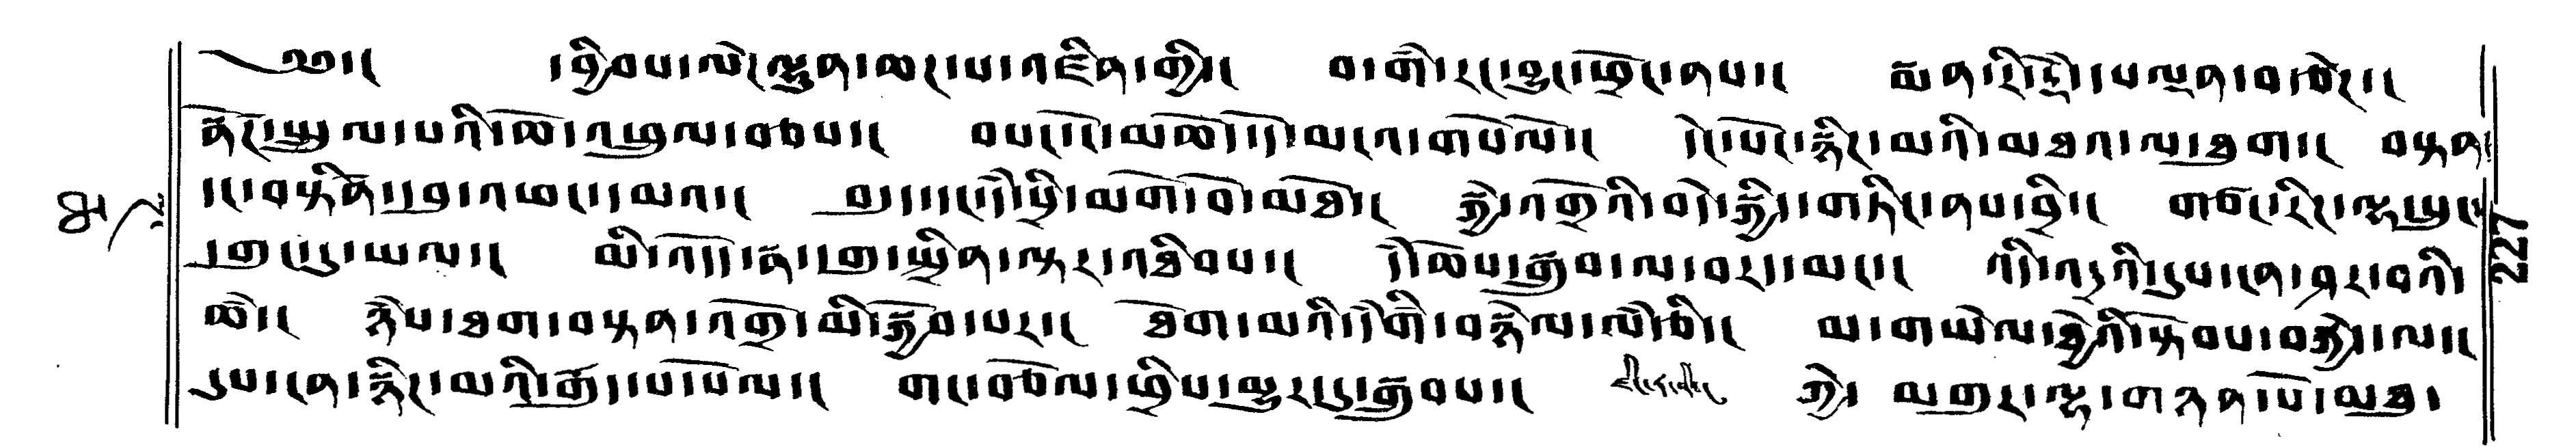།དབྱིབས་ལེགས་ལྷུན་ཆགས་ས་འཛིན་གྱི། །བ་གམ་རང་བྱུང་ཕོ་བྲང་ནས། །སྨན་རི་རྡོ་རྗེ་དཔལ་ལྡན་བརྩེགས། །
སྣ་ཚོགས་སྤྲུལ་པའི་ཆོ་འཕྲུལ་བཅས། །བསང་ངོ་མཆོད་དོ་མངའ་གསོལ་ལོ། །དེང་སང་སྙིགས་མའི་མཐའ་ལ་ཐུག བསྟན་
དང་བསྟན་འཛིན་དབུ་འཕང་དམའ། །བདུད་དང་དམ་སྲི་མགོ་བོ་མཐོ། །སྐྱེ་འགྲོའི་བདེ་སྐྱིད་གཏིང་ནས་བྲི། །གཙང་རིས་ལྷ་སྲུང་
དགུང་དུ་ཡལ། །མི་འདོད་སྣ་དགུ་སྤྲིན་ལྟར་འཐིབས། །དམ་ཆོས་སྒྲུབ་ལ་བར་ཆད་མང་། །འདི་འདྲའི་དུས་ངན་ཤར་བའི་
ཚེ། །ཉམ་ཐག་བསྟན་འགྲོ་མི་སྐྱོབ་པར། །ཐོག་མའི་དམ་ཚིག་བསྙེལ་ལམ་ཅི། །མ་གཡེལ་ཐུགས་རྗེའི་སྟོབས་བསྐྱེད་ལ། །
དུས་ངན་སྙིགས་མའི་རྒུད་པ་སོལ། །གང་བཅོལ་ཕྲིན་ལས་མྱུར་དུ་སྒྲུབས། ། ཛིང་ར་ནི། ཀྱཻ། མགུར་ལྷ་གཉན་པོ་མཐུ་